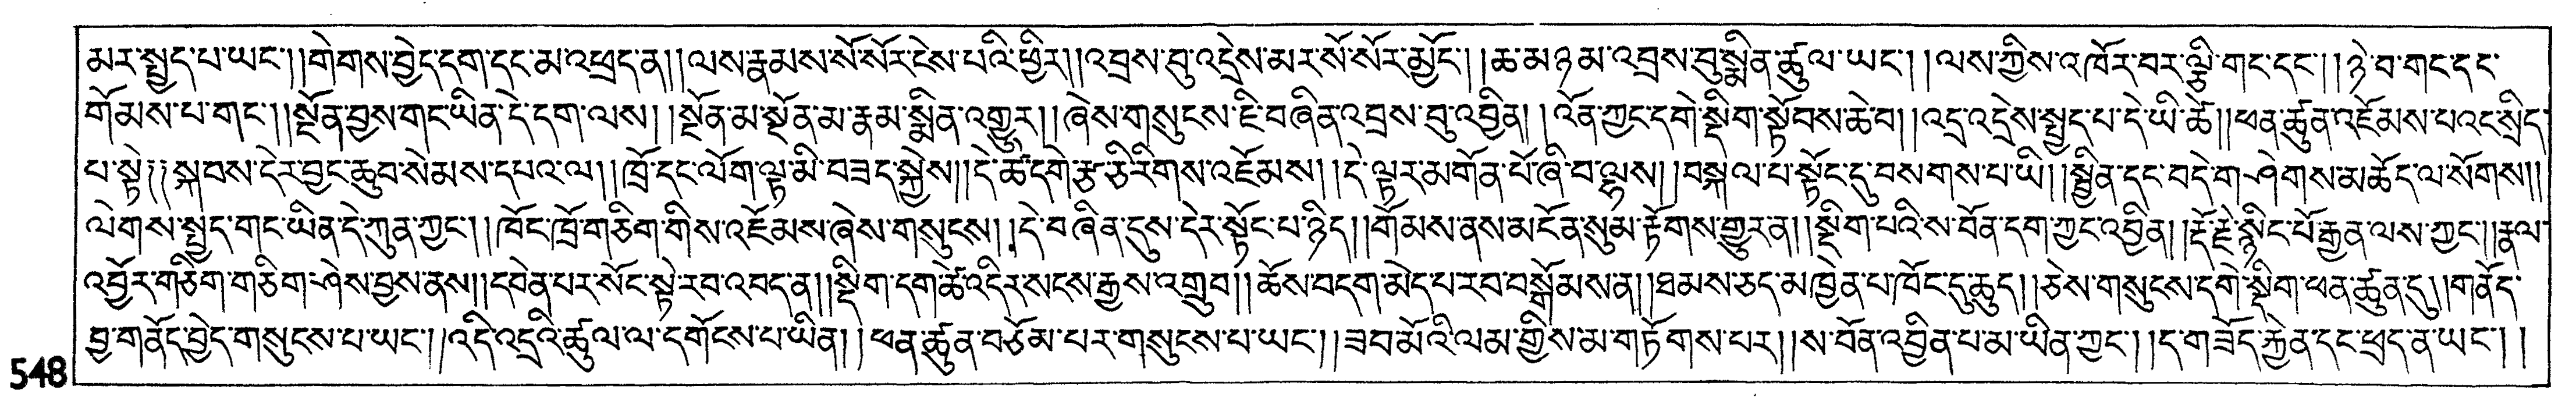མར་སྤྱད་པ་ཡང་། །གེགས་བྱེད་དག་དང་མ་འཕྲད་ན། །ལས་རྣམས་སོ་སོར་ངེས་པའི་ཕྱིར། །འབྲས་བུ་འདྲེས་མར་སོ་སོར་མྱོང་། །ཆ་མཉམ་འབྲས་བུ་སྨིན་ཚུལ་ཡང་། །ལས་ཀྱིས་འཁོར་བར་ལྕི་གང་དང་། །ཉེ་བ་གང་དང་
གོམས་པ་གང་། །སྔོན་བྱས་གང་ཡིན་དེ་དག་ལས། །སྔོན་མ་སྔོན་མ་རྣམ་སྨིན་འགྱུར། །ཞེས་གསུངས་ཇི་བཞིན་འབྲས་བུ་འབྱིན། །འོན་ཀྱང་དགེ་སྡིག་སྟོབས་ཆེ་བ། །འདྲ་འདྲེས་སྤྱད་པ་དེ་ཡི་ཚེ། །ཕན་ཚུན་འཇོམས་པའང་སྲིད་
པ་སྟེ༑ ༑སྐབས་དེར་བྱང་ཆུབ་སེམས་དཔའ་ལ། །ཁྲོ་དང་ལོག་ལྟ་མི་བཟད་སྐྱེས། །དེ་ཚེ་དགེ་རྩ་ཅི་རིགས་འཇོམས། །དེ་ལྟར་མགོན་པོ་ཞི་བ་ལྷས། །བསྐལ་པ་སྟོང་དུ་བསགས་པ་ཡི། །སྦྱིན་དང་བདེ་གཤེགས་མཆོད་ལ་སོགས། །
ལེགས་སྤྱད་གང་ཡིན་དེ་ཀུན་ཀྱང་། །ཁོང་ཁྲོ་གཅིག་གིས་འཇོམས་ཞེས་གསུངས། །དེ་བཞིན་དུས་དེར་སྟོང་པ་ཉིད། །གོམས་ནས་མངོན་སུམ་རྟོགས་གྱུར་ན། །སྡིག་པའི་ས་བོན་དག་ཀྱང་འབྱིན། །རྡོ་རྗེ་སྙིང་པོ་རྒྱན་ལས་ཀྱང་། །རྣལ་
འབྱོར་གཅིག་གཅིག་ཤེས་བྱས་ནས། །དབེན་པར་སོང་སྟེ་རབ་འབད་ན། །སྡིག་དག་ཚེ་འདིར་སངས་རྒྱས་འགྲུབ། །ཆོས་བདག་མེད་པ་རབ་བསྒོམས་ན། །ཐམས་ཅད་མཁྱེན་པ་ཁོང་དུ་ཆུད། །ཅེས་གསུངས་དགེ་སྡིག་ཕན་ཚུན་དུ། །གནོད་
བྱ་གནོད་བྱེད་གསུངས་པ་ཡང་། །འདི་འདྲའི་ཚུལ་ལ་དགོངས་པ་ཡིན། །ཕན་ཚུན་བཅོམ་པར་གསུངས་པ་ཡང་། །ཟབ་མོའི་ལམ་གྱིས་མ་གཏོགས་པར། །ས་བོན་འབྱིན་པ་མ་ཡིན་ཀྱང་། །ད་གཟོད་རྐྱེན་དང་ཕྲད་ན་ཡང་། །